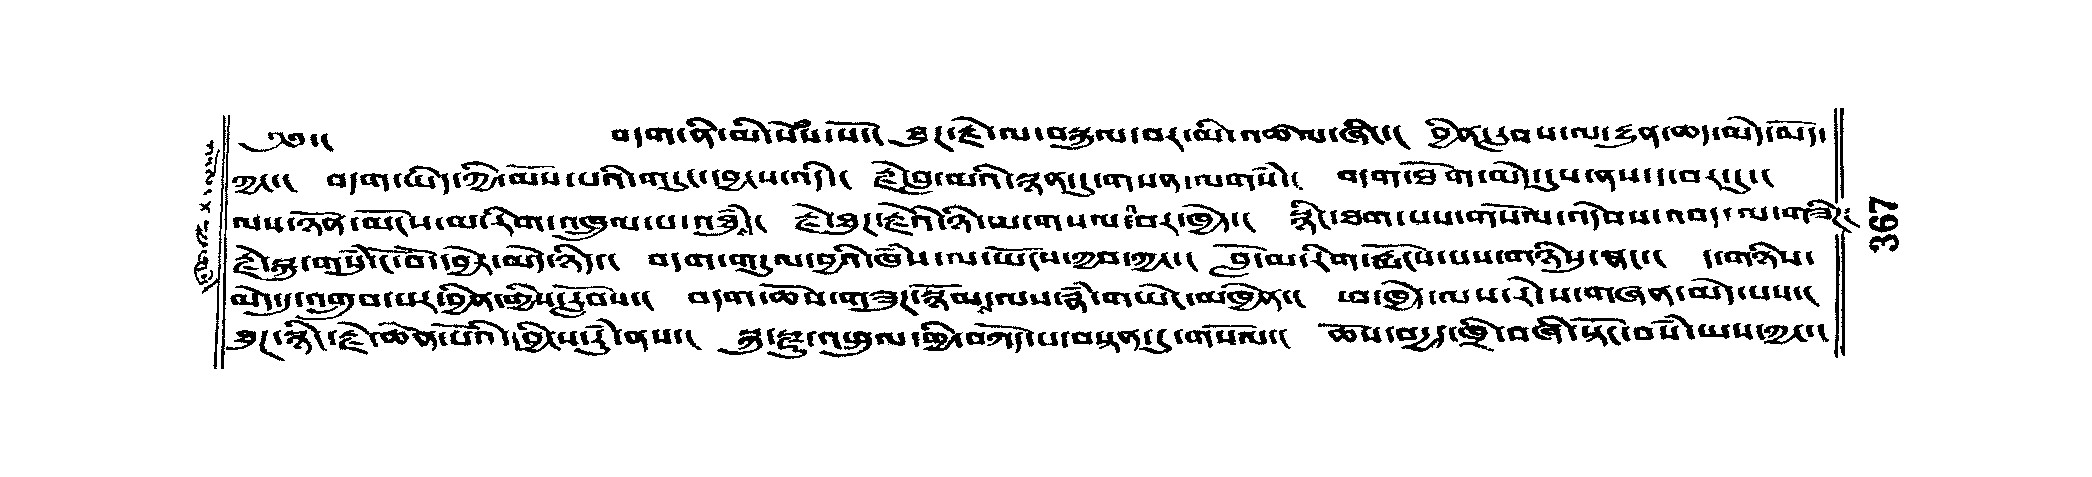བདག་ནི་མི་སེམས་སོ། །ཐུགས་རྗེ་ལ་བསྐུལ་བར་མི་འཚལ་ཞིང་། །བྱིན་རླབས་ལ་རྒྱུན་ཆད་མེད་མོད་
ཀྱང་། །བདག་ཡིད་ཀྱི་མོས་པའི་གདུང་དབྱངས་འདི། །རྗེ་བླ་མའི་སྙན་དུ་གསན་ལགས་སམ། །བདག་ཐོག་མེད་དུས་ནས་ད་བར་དུ། །
ལས་ཉོན་མོངས་མ་རིག་འཁྲུལ་པས་འཐུམས། །རྗེ་ཐུགས་རྗེའི་ཉི་མ་གསལ་འབར་ཁྱེད། །སྙིང་ཐག་པས་གསོལ་འདེབས་འབད་ལ་གཟིགས། །
རྗེ་སྐུ་གསུམ་ངོ་བོ་དབྱེར་མེད་ཉིད། །བདག་གདུལ་བྱའི་ཁམས་ལ་ཡོངས་ཁྱབ་ཀྱང་། །བློ་མ་རིག་རྨོངས་པས་གཉིས་སུ་སྣང་། །ད་གཉིས་
མེད་དུ་འགྲུབ་པར་བྱིན་གྱིས་རློབས། །བདག་ཆོས་གཟུགས་སྙོམས་ལས་རྣམ་གཡེང་མཁན། །ཕ་ཁྱེད་ལས་རེ་ས་གཞན་མེད་པས། །
ཐུགས་སྙིང་རྗེ་ཆེན་པོའི་དབྱིངས་རུམ་ནས། །སྐུ་རྫུ་འཕྲུལ་གྱི་བཀོད་པ་བསྟན་དུ་གསོལ། །ཆོས་བརྒྱད་ཁྲི་བཞི་སྟོང་བསམ་ཡས་ཀྱང་།